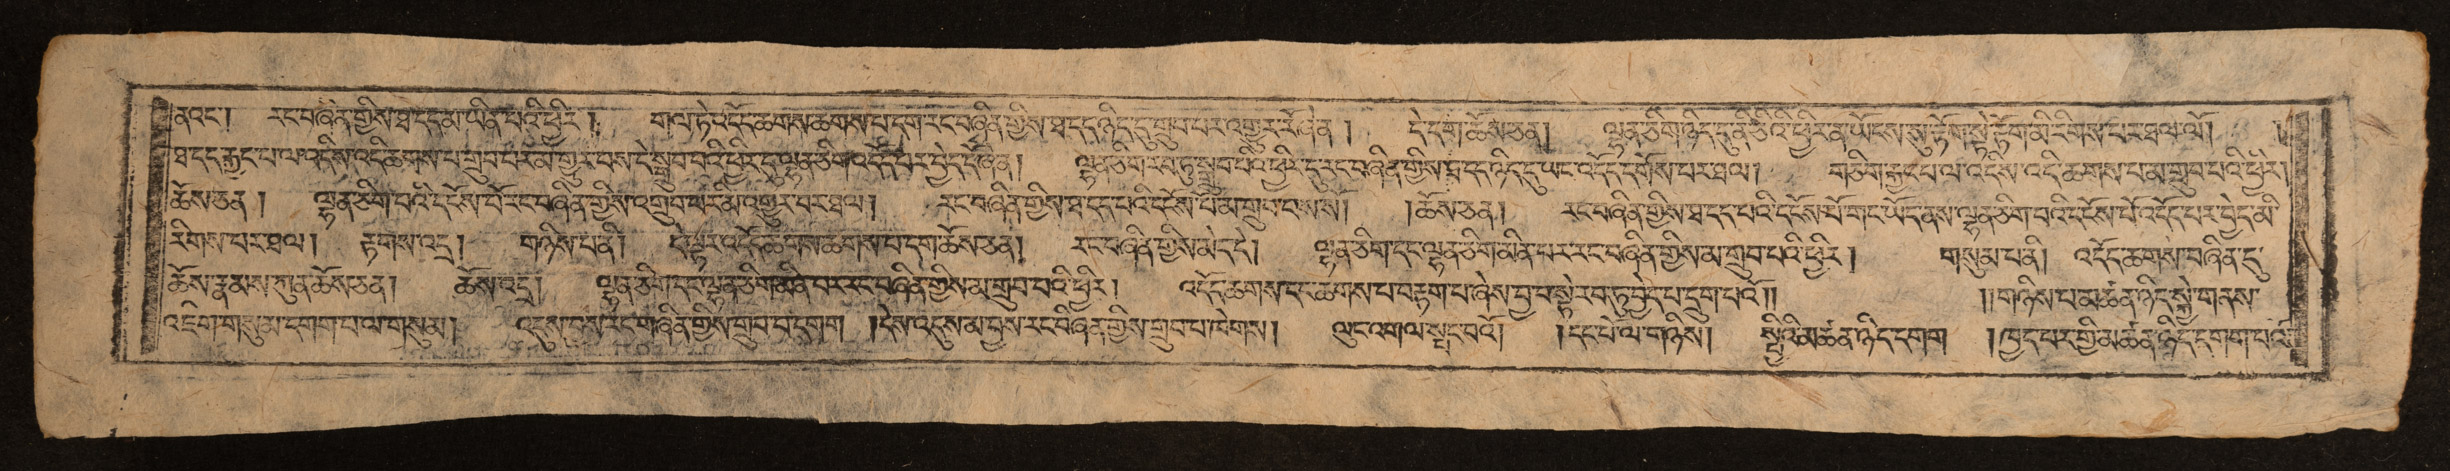ནའང་། རང་བཞིན་གྱིས་ཐ་དད་མ་ཡིན་པའི་ཕྱིར། གལ་ཏེ་འདོད་ཆགས་ཆགས་པ་དག་རང་བཞིན་གྱིས་ཐ་དད་ཉིད་དུ་གྲུབ་པར་འགྱུར་རོ་ཞེ་ན། དེ་དག་ཆོས་ཅན། ལྷན་ཅིག་ཉིད་དུ་ནི་ཅིའི་ཕྱིར་ན་ཡོངས་སུ་རྟོག་སྟེ་རྟོག་མི་རིགས་པར་ཐལ་ལོ། །
ཐ་དད་རྐྱང་པ་ལ་འདིས་འདི་ཆགས་པ་གྲུབ་པར་མ་གྱུར་པས་དེ་སྒྲུབ་པའི་ཕྱིར་དུ་ལྷན་ཅིག་འདོད་པར་བྱེད་དོ་ཞེ་ན། ལྷན་ཅིག་རབ་ཏུ་སྒྲུབ་པའི་ཕྱིར་དུ་རང་བཞིན་གྱིས་ཐ་དད་ཉིད་དུ་ཡང་འདོད་དགོས་པར་ཐལ། གཅིག་རྐྱང་པ་ལ་འདིས་འདི་ཆགས་པ་མ་གྲུབ་པའི་ཕྱིར།
ཆོས་ཅན། ལྷན་ཅིག་པའི་དངོས་པོ་རང་བཞིན་གྱིས་འགྲུབ་པར་མི་འགྱུར་བར་ཐལ། རང་བཞིན་གྱིས་ཐ་དད་པའི་དངོས་པོ་མ་གྲུབ་པས་སོ། །ཆོས་ཅན། རང་བཞིན་གྱིས་ཐ་དད་པའི་དངོས་པོ་གང་ཡོད་ནས་ལྷན་ཅིག་པའི་དངོས་པོ་འདོད་པར་བྱེད་མི་
རིགས་པར་ཐལ། རྟགས་འདྲ། གཉིས་པ་ནི། དེ་ལྟར་འདོད་ཆགས་ཆགས་པ་དག་ཆོས་ཅན། རང་བཞིན་གྱིས་མེད་དེ། ལྷན་ཅིག་དང་ལྷན་ཅིག་མིན་པར་རང་བཞིན་གྱིས་མ་གྲུབ་པའི་ཕྱིར། གསུམ་པ་ནི། འདོད་ཆགས་བཞིན་དུ་
ཆོས་རྣམས་ཀུན་ཆོས་ཅན། ཆོས་འདྲ། ལྷན་ཅིག་དང་ལྷན་ཅིག་མིན་པར་རང་བཞིན་གྱིས་མ་གྲུབ་པའི་ཕྱིར། འདོད་ཆགས་དང་ཆགས་པ་བརྟག་པ་ཞེས་བྱ་བ་སྟེ་རབ་ཏུ་བྱེད་པ་དྲུག་པའོ།། །།གཉིས་པ་མཚན་ཉིད་སྐྱེ་གནས་
འཇིག་གསུམ་དགག་པ་ལ་གསུམ། འདུས་བྱས་རང་བཞིན་གྱིས་གྲུབ་པ་དགག །དེས་འདུས་མ་བྱས་རང་བཞིན་གྱིས་གྲུབ་པ་ཁེགས། ལུང་འགལ་སྤང་བའོ། །དང་པོ་ལ་གཉིས། སྤྱིའི་མཚན་ཉིད་དགག །ཁྱད་པར་གྱི་མཚན་ཉིད་དགག་པའོ༑